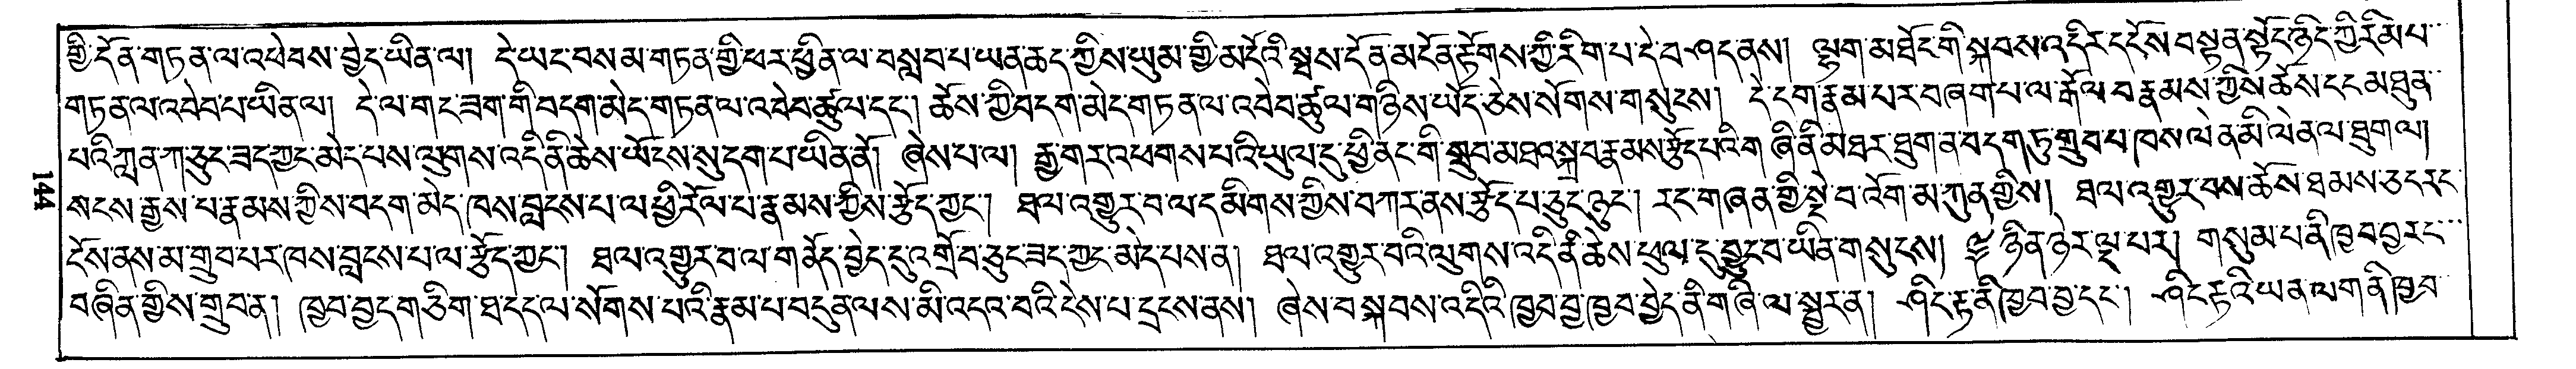གྱི་དོན་གཏན་ལ་འབེབས་བྱེད་ཡིན་ལ། དེ་ཡང་བསམ་གཏན་གྱི་ཕར་ཕྱིན་ལ་བསླབ་པ་ཡན་ཆད་ཀྱིས་ཡུམ་གྱི་མདོའི་སྤས་དོན་མངོན་རྟོགས་ཀྱི་རིམ་པ་དེ་བཤད་ནས། ལྷག་མཐོང་གི་སྐབས་འདིར་དངོས་བསྟན་སྟོང་ཉིད་ཀྱི་རིམ་པ་
གཏན་ལ་འབེབ་པ་ཡིན་ལ། དེ་ལ་གང་ཟག་གི་བདག་མེད་གཏན་ལ་འབེབ་ཚུལ་དང་། ཆོས་ཀྱི་བདག་མེད་གཏན་ལ་འབེབ་ཚུལ་གཉིས་ཡོད་ཅེས་སོགས་གསུངས། དེ་དག་རྣམ་པར་བཞག་པ་ལ་རྒོལ་བ་རྣམས་ཀྱིས་ཆོས་དང་མཐུན་
པའི་ཀླན་ཀ་ཅུང་ཟད་ཀྱང་མེད་པས་ལུགས་འདི་ནི་ཆེས་ཡོངས་སུ་དག་པ་ཡིན་ནོ། ཞེས་པ་ལ། རྒྱ་གར་འཕགས་པའི་ཡུལ་དུ་ཕྱི་ནང་གི་གྲུབ་མཐའ་སྨྲ་བ་རྣམས་རྩོད་པའི་གཞི་ནི་མཐར་ཐུག་ན་བདག་ཏུ་གྲུབ་པ་ཁས་ལེན་མི་ལེན་ལ་ཐུག་ལ།
སངས་རྒྱས་པ་རྣམས་ཀྱིས་བདག་མེད་ཁས་བླངས་པ་ལ་ཕྱི་རོལ་པ་རྣམས་ཀྱིས་རྩོད་ཀྱང་། ཐལ་འགྱུར་བ་ལ་དམིགས་ཀྱིས་བཀར་ནས་རྩོད་པ་ཅུང་ཉུང་། རང་གཞན་གྱི་སྡེ་པ་འོག་མ་ཀུན་གྱིས། ཐལ་འགྱུར་བས་ཆོས་ཐམས་ཅད་རང་
ངོས་ནས་མ་གྲུབ་བར་ཁས་བླངས་པ་ལ་རྩོད་ཀྱང་། ཐལ་འགྱུར་བ་ལ་གནོད་བྱེད་དུ་འགྲོ་བ་ཅུང་ཟད་ཀྱང་མེད་པས་ན། ཐལ་འགྱུར་བའི་ལུགས་འདི་ནི་ཆེས་ཕུལ་དུ་བྱུང་བ་ཡིན་གསུངས། ༈ ཉིན་ཉེར་ལྔ་པར། གསུམ་པ་ནི་ཁྱབ་བྱ་རང་
བཞིན་གྱིས་གྲུབ་ན། ཁྱབ་བྱེད་གཅིག་ཐ་དད་ལ་སོགས་པའི་རྣམ་པ་བདུན་ལས་མི་འདའ་བའི་དེས་པ་དྲངས་ནས། ཞེས་པ་སྐབས་འདིའི་ཁྱབ་བྱ་ཁྱབ་བྱེད་ནི་གཞི་ལ་སྦྱར་ན། ཤིང་རྟ་ནི་ཁྱབ་བྱ་དང་། ཤིང་རྟའི་ཡན་ལག་ནི་ཁྱབ་